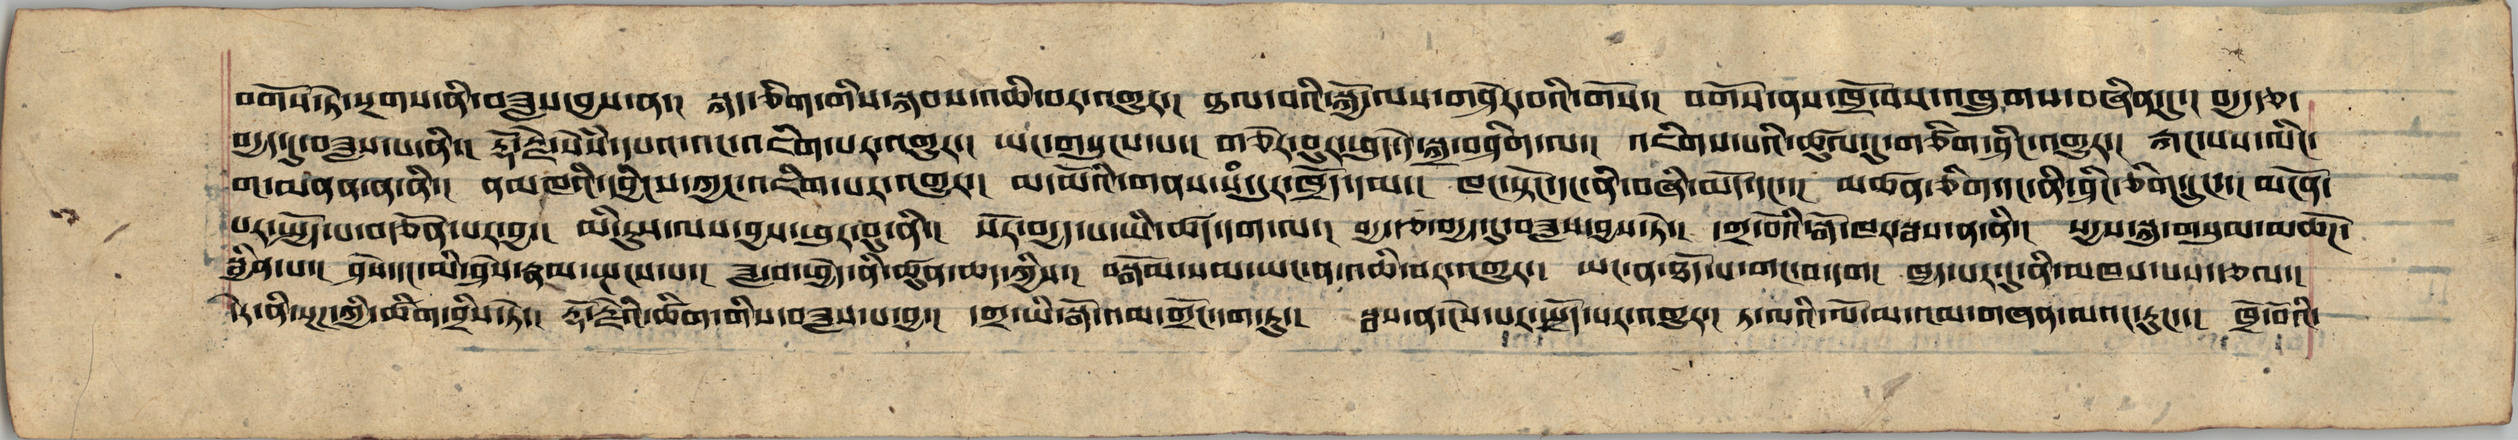བགོས་ཏེ་སྔགས་ནི་བཟླས་བྱས་ན་། སྐད་ཅིག་གིས་སྐབས་འཆི་བར་འགྱུར་། ཐལ་བའི་སྐྱོ་ལས་གཤེར་བའི་གོས་། བགོས་ནས་ཁྲོ་བས་འཁྲུགས་བཞིན་དུ་། བདྱ་རྩ་
བདྱད་དུ་བཟླས་པ་ནི་། རྡོ་རྗེ་སེཾས་དཔའ་འང་འཇིག་པར་འགྱུར་། ཡང་གསུངས་པ་། གཅེར་བུར་ཕུད་དེ་སྐྲ་བཤིག་ལ་། འཇིག་པའི་ཚུལ་དུ་གཙིག་ཤིང་འགྱུར་། རྐང་པས་ལིང་
ག་མནན་ན་ནི་། ནམཁའི་དབྱིངས་ཀྱང་འཇིག་པར་འགྱུར་། མ་མོའི་གནས་སཾ་དུར་ཁྲོད་དམ་། ཁང་སྟོང་དང་ནི་བཞི་མདོ་དང་་། མཚན་ཅིག་དང་ནི་ཤིང་ཅིག་དྲུང་་། མངོན་
པར་སྤྱོད་པ་བརྩོན་པར་བྱ་། མི་རུས་ལས་བྱས་ཕུར་བུ་ནི་། སོར་བདྱད་པ་ནི་ཚད་དག་ལ་། བདྱ་རྩ་བདྱད་དུ་བཟླས་བྱས་ཏེ་། དགྲ་བོའི་སྒོ་ཁར་སྦས་ན་ནི་། སདྱས་སྐུ་གསུམ་མཆོཌ་
སྦྱིན་པ་། ཤེས་དང་མི་ཤེས་རྣམ་སྤངས་པ་། ཟླ་བ་ཕྱེད་ནི་ཚུན་ཆད་ཀྱིས་། བསྒོམ་སམ་ཡང་ན་འཆི་བར་འགྱུར་། ཡང་ན་ཐོད་པ་གང་བ་དག། ཁྱད་པར་དུ་ནི་མཁས་པས་རྩལ་།
དེར་ནི་སྔཌ་ཀྱི་ཚིག་བྲིས་ཏེ་། རྡོ་རྗེའི་ཚིག་གིས་བཟླས་པ་བྱ་། དགྲ་ཡི་སྒོ་འམ་གྲོང་དག་ཏུ་། སྦས་ན་ངེས་པར་སྤྲོད་པར་འགྱུར་། ཏ་ལའི་ལོ་མ་འམ་གཞན་ལའང་རུང་་། ཁྲོ་བོའི་